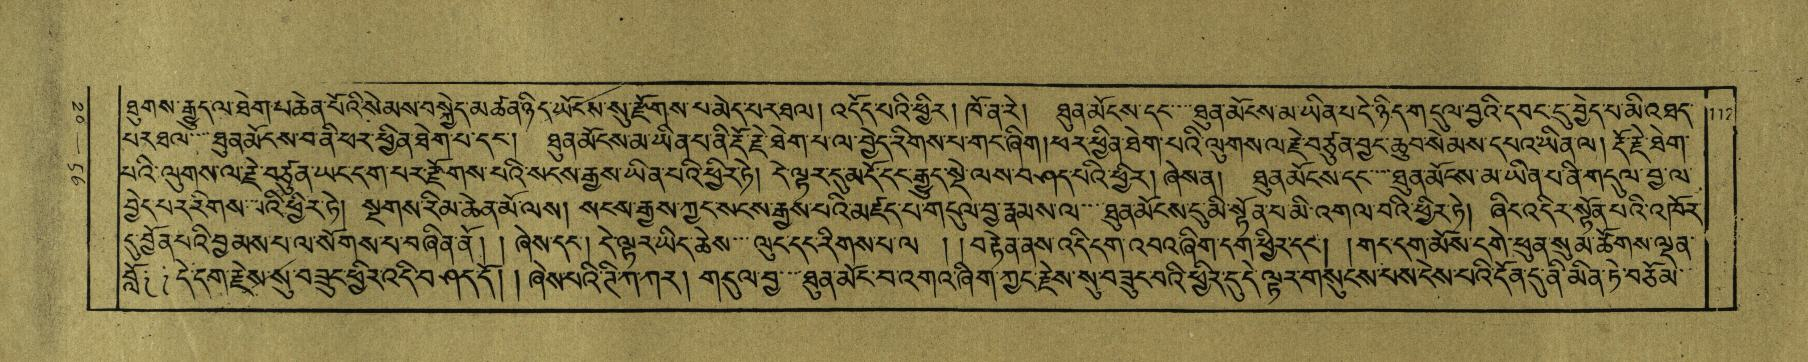ཐུགས་རྒྱུད་ལ་ཐེག་པ་ཆེན་པོའི་སེམས་བསྐྱེད་མཚན་ཉིད་ཡོངས་སུ་རྫོགས་པ་མེད་པར་ཐལ། འདོད་པའི་ཕྱིར། ཁོ་ན་རེ། ཐུན་མོངས་དང་ཐུན་མོངས་མ་ཡིན་པ་དེ་ཉིད་གདུལ་བྱའི་དབང་དུ་བྱེད་པ་མི་འཐད་
པར་ཐལ་ཐུན་མོངས་བ་ནི་ཕར་ཕྱིན་ཐེག་པ་དང་། ཐུན་མོངས་མ་ཡིན་པ་ནི་རྡོ་རྗེ་ཐེག་པ་ལ་བྱེད་རིགས་པ་གང་ཞིག། ཕར་ཕྱིན་ཐེག་པའི་ལུགས་ལ་རྗེ་བཙུན་བྱང་ཆུབ་སེམས་དཔའ་ཡིན་ལ། རྡོ་རྗེ་ཐེག་
པའི་ལུགས་ལ་རྗེ་བཙུན་ཡང་དག་པར་རྫོགས་པའི་སངས་རྒྱས་ཡིན་པའི་ཕྱིར་ཏེ། དེ་ལྟར་དུ་མདོ་དང་རྒྱུད་སྡེ་ལས་བཤད་པའི་ཕྱིར། ཞེས་ན། ཐུན་མོངས་དང་ཐུན་མོངས་མ་ཡིན་པ་ནི་གདུལ་བྱ་ལ་
བྱེད་པར་རིགས་པའི་ཕྱིར་ཏེ། སྔགས་རིམ་ཆེན་མོ་ལས། སངས་རྒྱས་ཀྱང་སངས་རྒྱས་པའི་མཛད་པ་གདུལ་བྱ་རྣམས་ལ་ཐུན་མོངས་དུ་མི་སྟོན་པ་མི་འགལ་བའི་ཕྱིར་ཏེ། ཞིང་འདིར་སྟོན་པའི་འཁོར་
དུ་བྱོན་པའི་བྱམས་པ་ལ་སོགས་པ་བཞིན་ནོ། །ཞེས་དང་། དེ་ལྟར་ཡིད་ཆེས་ལུང་དང་རིགས་པ་ལ། །བརྟེན་ནས་འདི་དག་འབའ་ཞིག་དག་ཕྱིར་དང་། །གང་དག་མོས་དགེ་ཕུན་སུམ་ཚོགས་ལྡན་
བློ༑ ༑དེ་དག་རྗེས་སུ་བཟུང་ཕྱིར་འདི་བཤད་དོ། །ཞེས་པའི་ཊི་ཀ་ཀར། གདུལ་བྱ་ཐུན་མོང་བ་འགའ་ཞིག་ཀྱང་རྗེས་སུ་བཟུང་བའི་ཕྱིར་དུ་དེ་ལྟར་གསུངས་པས་ངེས་པའི་དོན་དུ་ནི་མིན་ཏེ་བཅོམ་